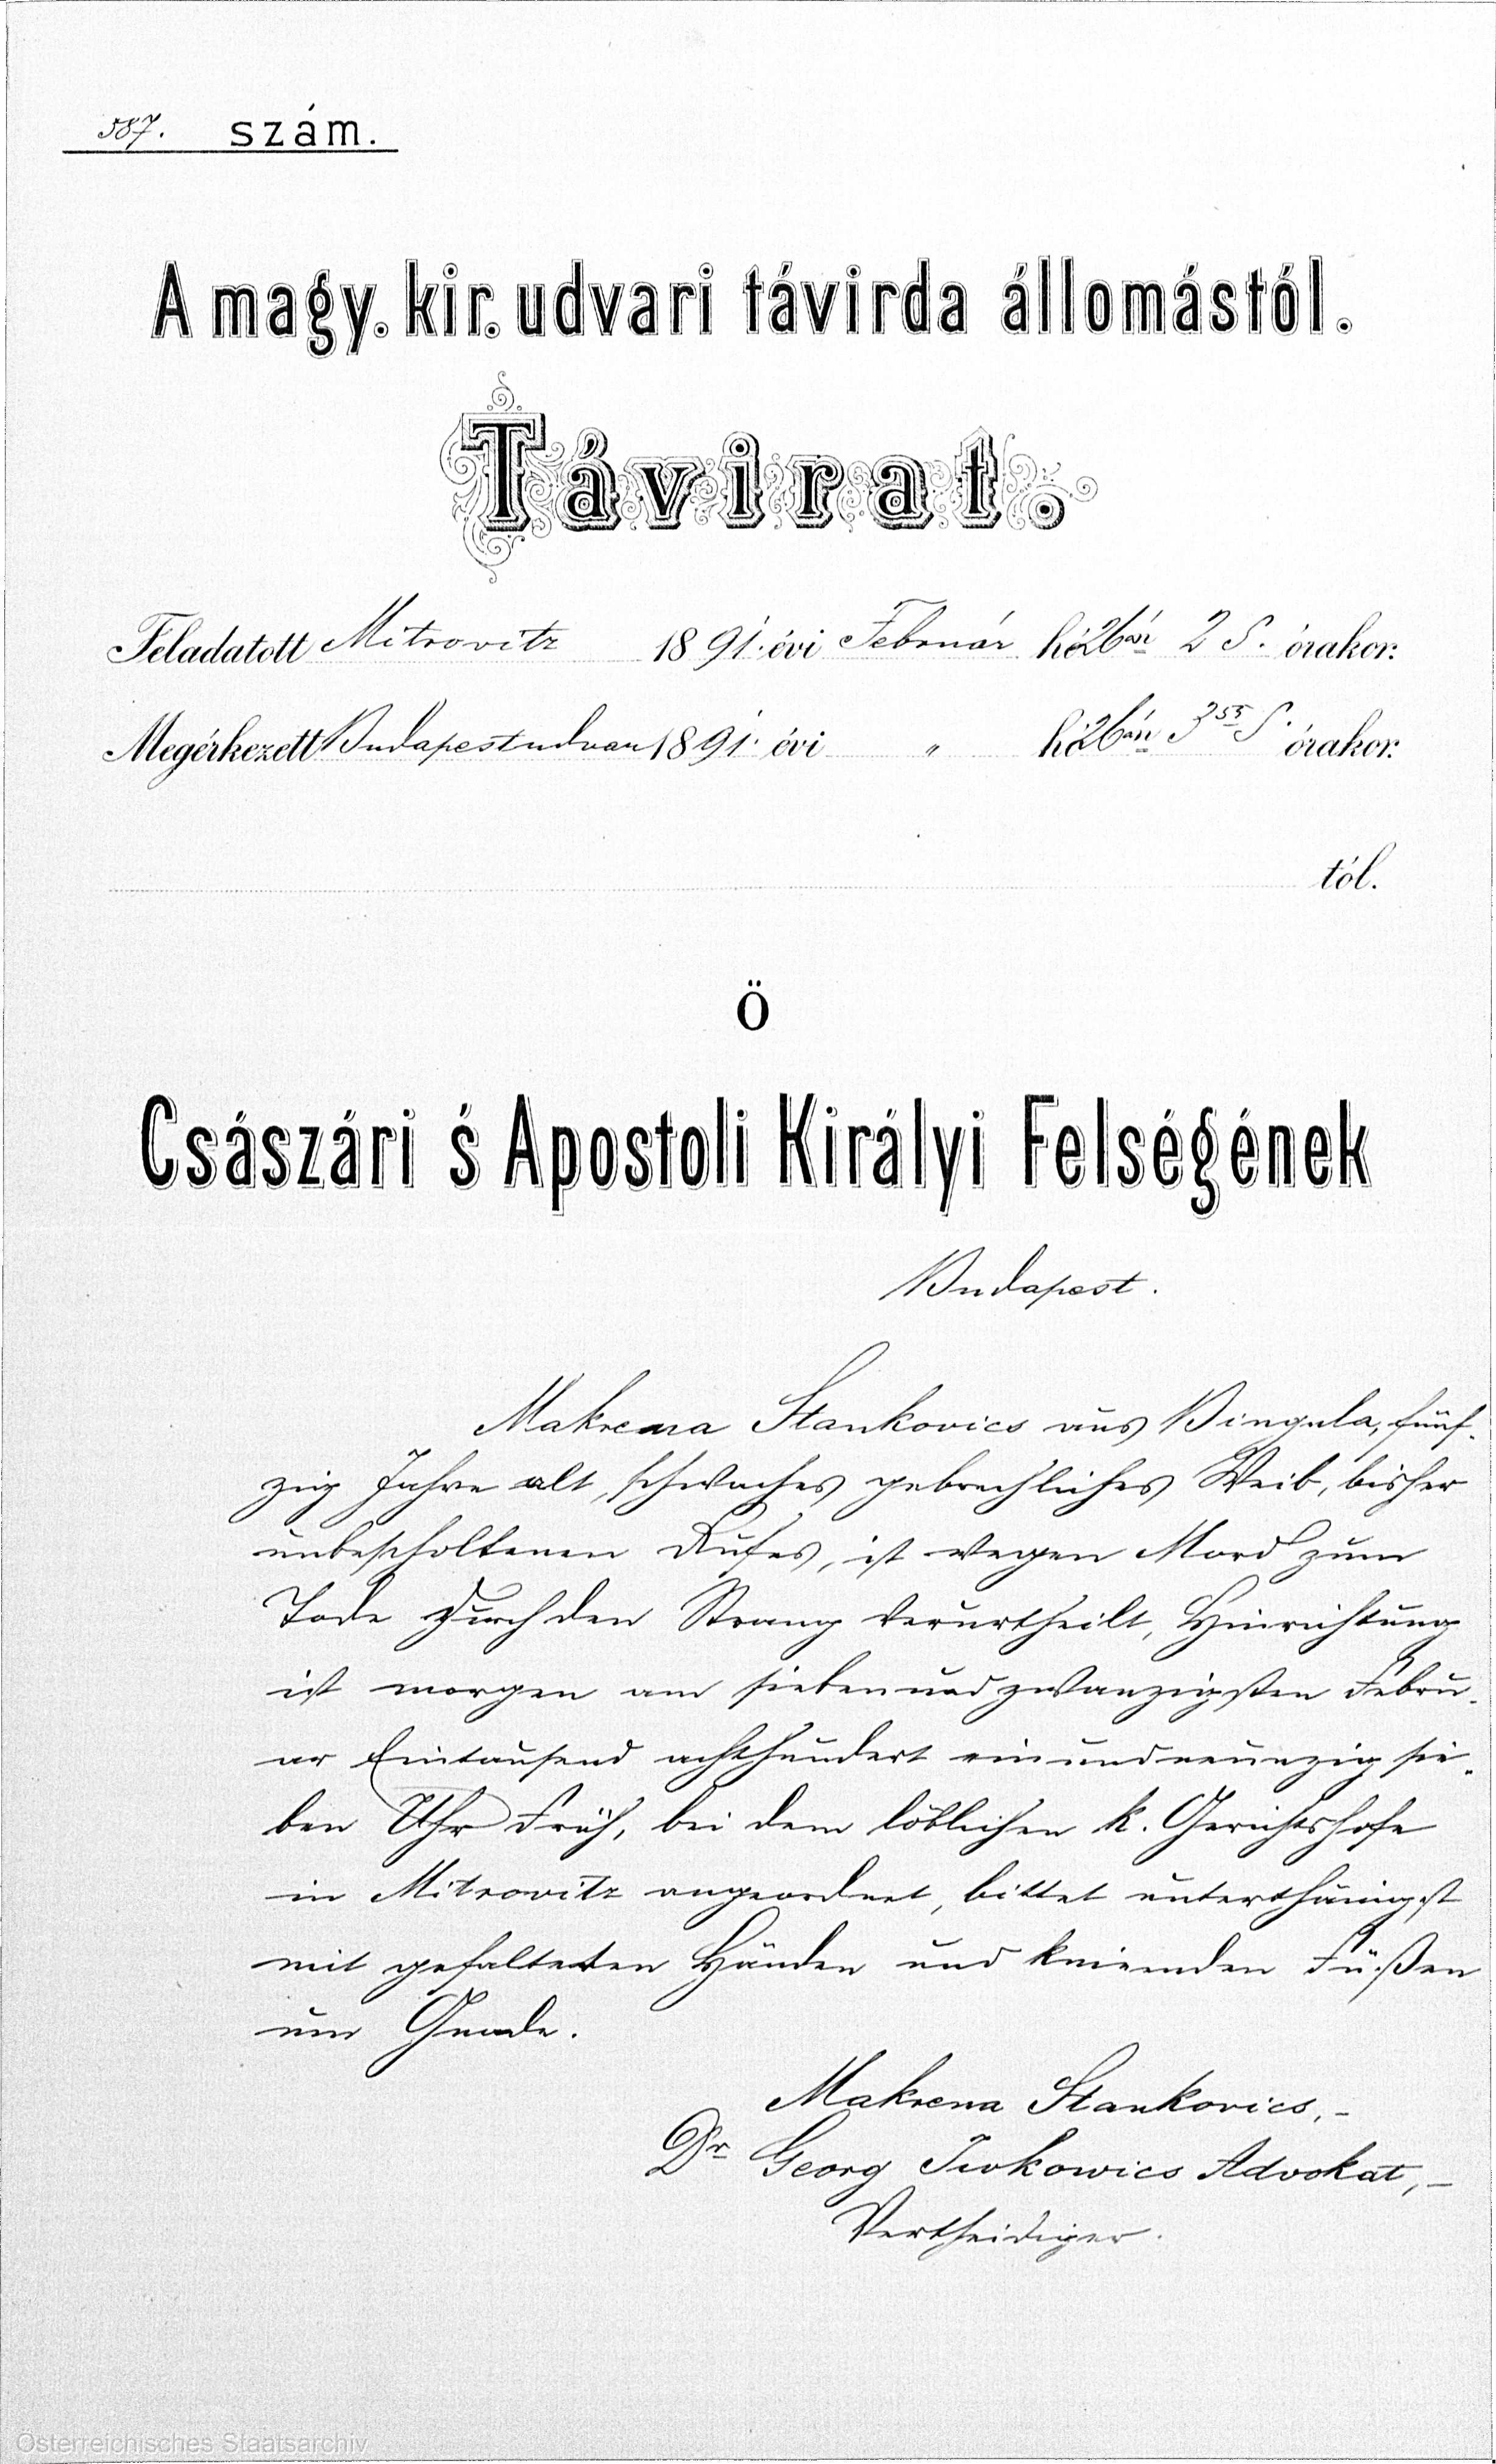587 szám
A magy. kir. udvari távirda állomástól.
Távirat.
Feladatott: Mitrovitz 1891 évi Február hé26n 25 óraker
Megérkezett: Budapest ado 1891 évi Február hé 335 óraker
tol.
Ö
Czászári ś Apostoli Királyi Felségének
Budapest
Makrena Stankovics aus Bingula, fünfzig
Jahre alt, schwaches gebrechliches Weib, bisher un¬
bescholtenen Rufes, ist wegen Mord zum Tode
durch den Strang verurtheilt. Hinrichtung ist
morgen um sieben und zwanzigsten Februar
Eintausend achthundert einundneunzig sie¬
ben Uhr früh, bei dem löblichen k. Gerichtshofe in
Mitrovitz angeordnet, bittet unterthänigst
mit gefaltenen Händen und knienden Füßen
um Gnade.
Makrena Stankovits
Dr. Georg Iwkowics Advokat, –
Vertheidiger